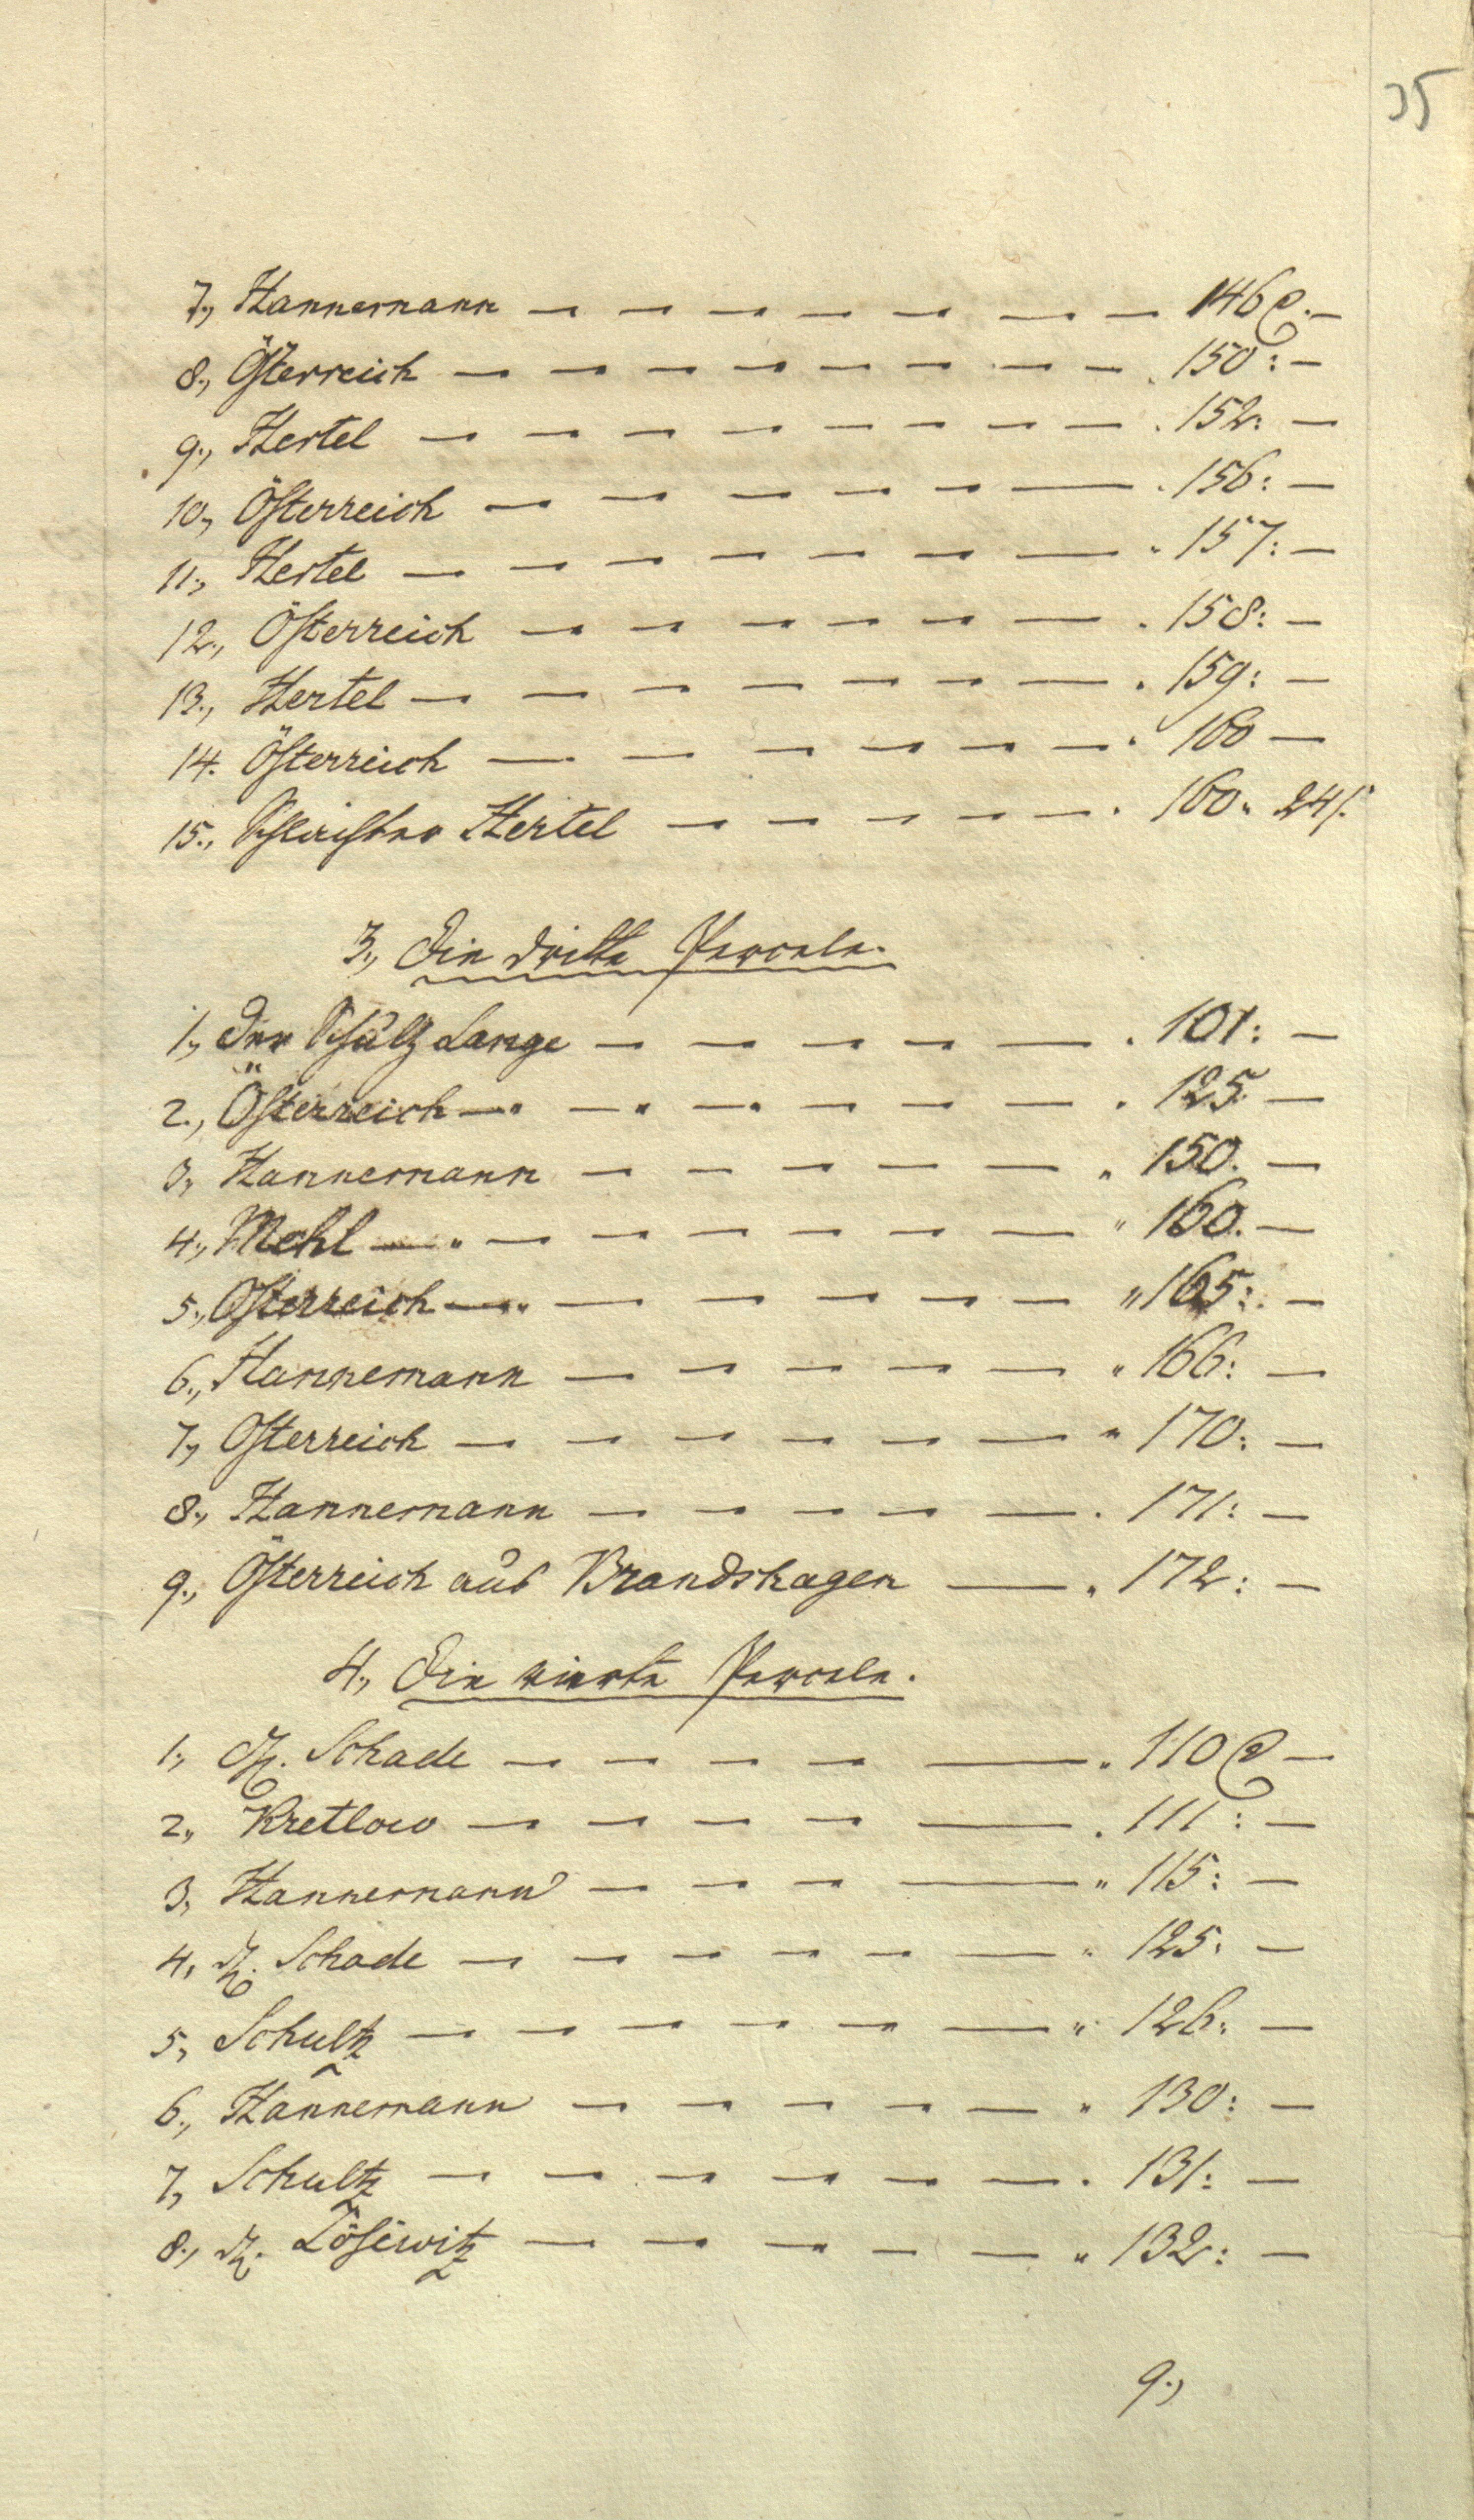7., Hannemann 146 l
8., Österreich 150:
9., Hertel 152:
10., Österreich 156:
11., Hertel 157:
12., Österreich 158:
13., Hertel 159:
14., Österreich 160:
15. Schlächter Hertel 160: 24s.
3. Die dritte Percele
1., Der Schulz Lange 101:
2., Österreich 125:
3., Hannemann 150:
4., Mehl 160:
5., Osterreich 165:
6., Hannemann 166:
7., Osterreich 170:
8., Hannemann 171:
9., Österreich aus Brandshagen 172:
4. die vierte Percele.
1., dh. Schade 110 l.
2., Kretlow 111:
3., Hannemann 115:
4, dh. Schade 125:
5., Schultz 126:
6., Hannemann 130:
7., Schultz 131:
8, dh. Lösewitz 132:
9.,